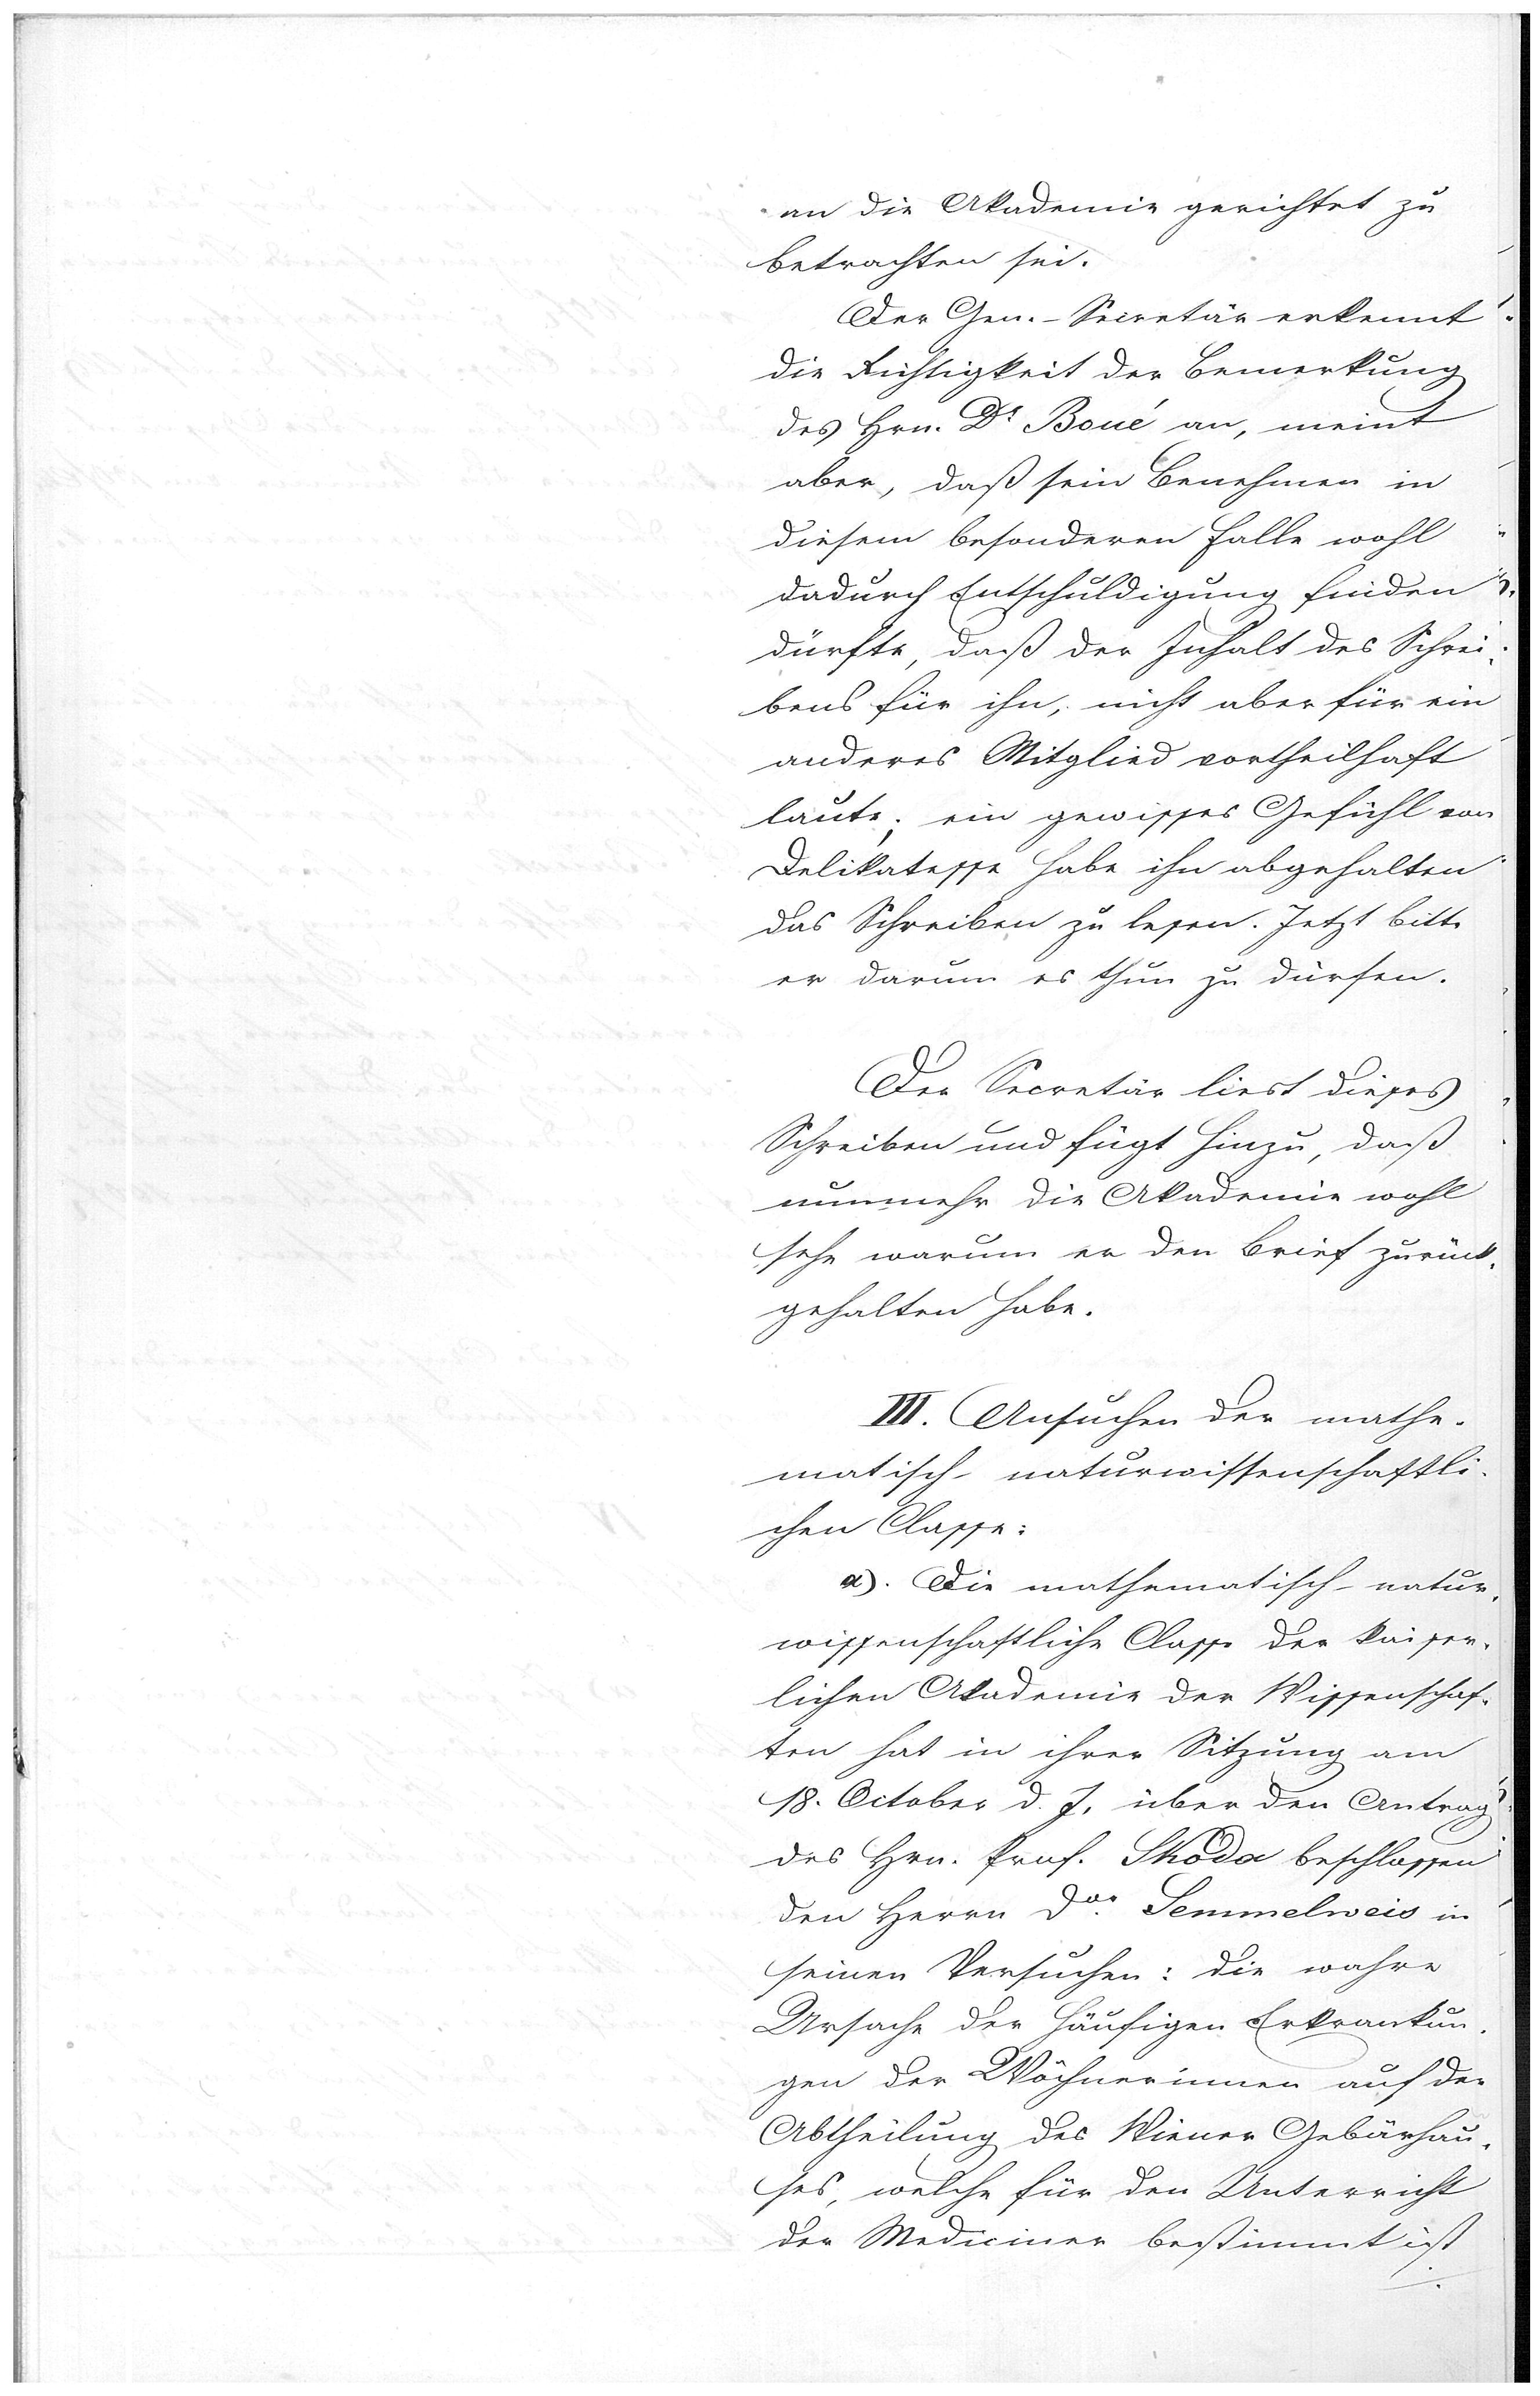an die Akademie gerichtet zu
betrachten sei.
Der Gen.-Secretär erkennt
die Richtigkeit der Bemerkung
des Hrn. Dr Boué an, meint
aber, daß sein Benehmen in
diesem besonderen Falle wohl
dadurch Entschuldigung finden
dürfte, daß der Inhalt des Schrei-
bens für ihn, nicht aber für ein
anderes Mitglied vortheilhaft
laute; ein gewisses Gefühl von
Delikatesse habe ihn abgehaltenen
das Schreiben zu lesen. Jetzt bitte
er darum es thun zu dürfen.
Der Secretär liest dieses
Schreiben und fügt hinzu, daß
nunmehr die Akademie wohl
sehe warum er den Brief zurück-
gehalten habe.
III. Ansuchen der mathe-
matisch-naturwissenschaftli-
chen Classe:
a) Die mathematisch-natur-
wissenschaftliche Classe der kaiser-
lichen Akademie der Wissenschaf-
ten hat in ihrer Sitzung am
18. October d. J. über den Antrag
des Hrn. Prof. Skoda beschlossen
den Herrn Dor Semmelweis in
seinen Versuchen: die wahre
Ursache der häufigen Erkrankun-
gen der Wöchnerinnen auf der
Abtheilung des Wiener Gebärhau-
ses, welche für den Unterricht
der Mediciner bestimmt ist